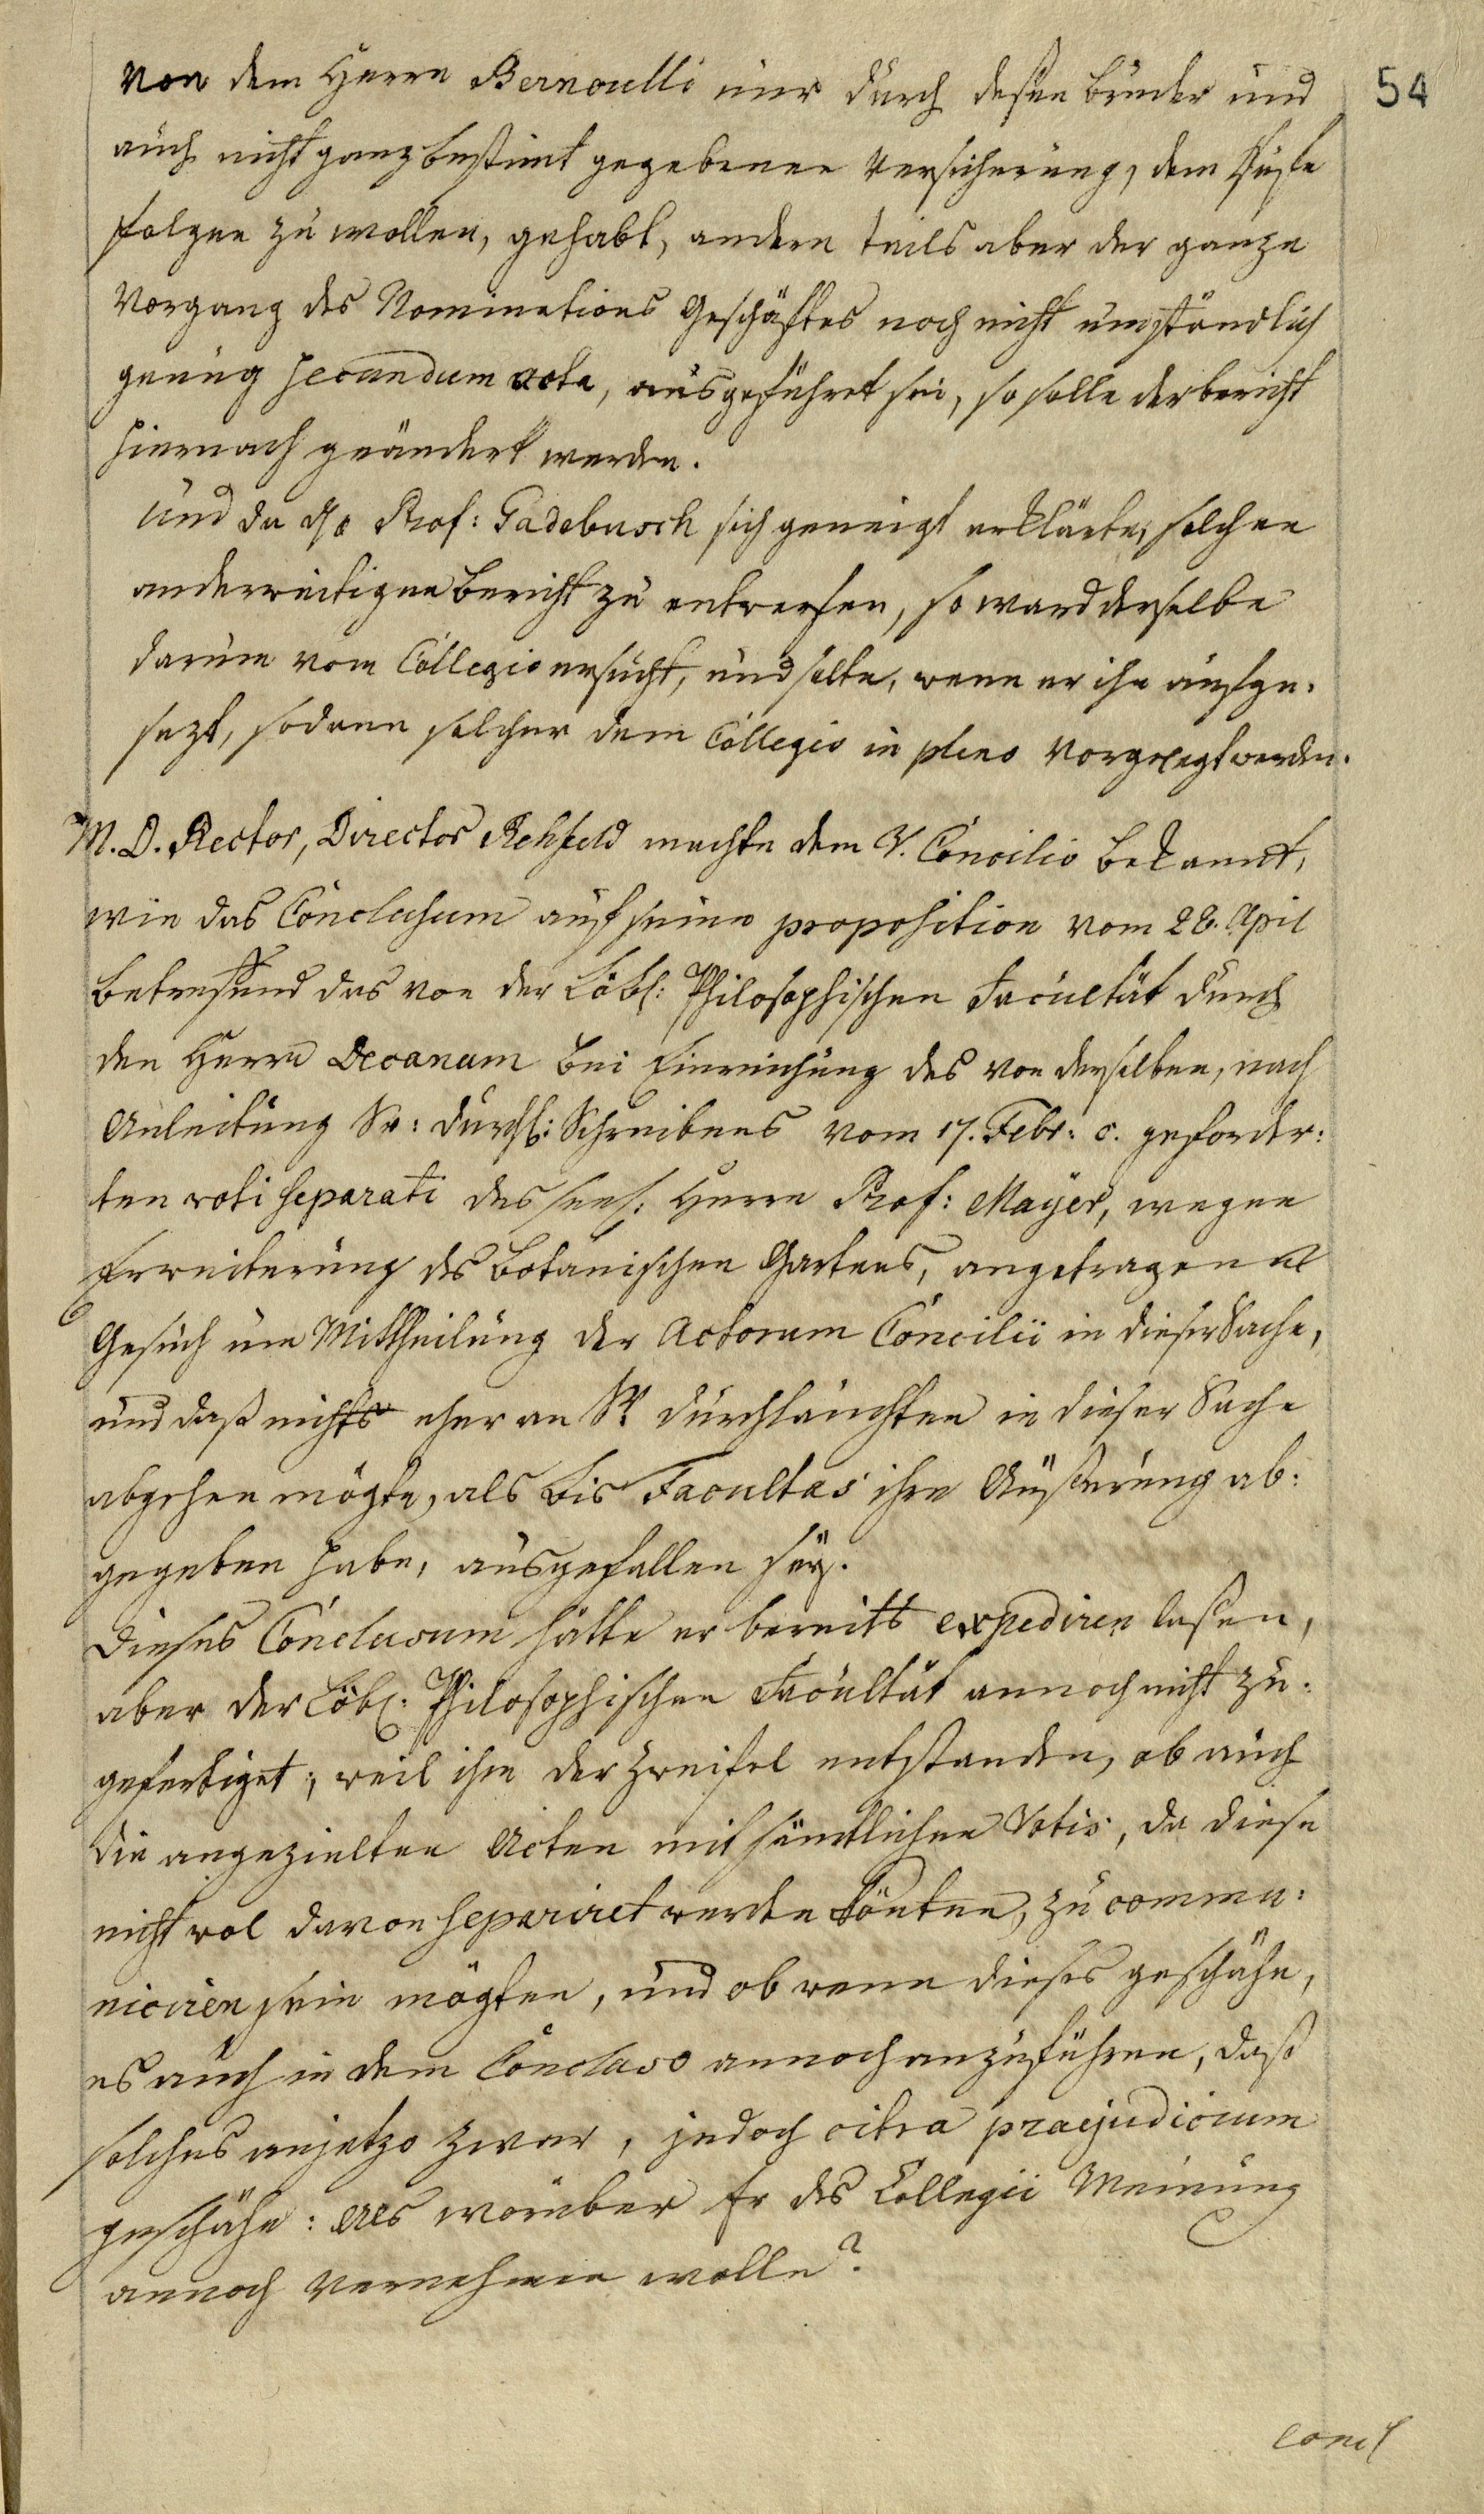von dem Herrn Bernoulli nur durch deßen Bruder und
auch nicht ganz bestimt gegebenen Versicherung, dem Rufe
folgen zu wollen, gehabt, andern teils aber der ganze
Vorgang des Nominations Geschäftes noch nicht umständlich
genug secundum Acta, ausgeführet sei, so solle der Bericht
hiernach geändert werden.
Und da dh. Prof. Gadebusch sich geneigt erklärte, solchen
anderweitigen Bericht zu entwerfen, so ward derselbe
darum vom Collegio ersucht, und solte, wenn er ihn auf¬
sezt, sodann solcher dem Collegio in pleno vorgelegt werden.
M. D. Rector, Director Rehfeld machte dem V. Concilio bekannt,
wie das Conclusum auf seine proposition vom 28. Apil
betreffend das von der Löbl. Philosophischen Facultät durch
den Herrn Decanum bei Einreichung des von derselben, nach
Anleitung Sr Durchl. Schreibens vom 17. Febr. c. geforder¬
ten voti separati des seel. Herrn Prof. Maÿer, wegen
Erweiterung des Botanischen Gartens, angetragenen
Gesuch um Mittheilung der Actorum Concilii in dieser Sache,
und daß nichts eher an Sr Durchlauchten in dieser Sache
abgehen mögte, als bis Facultas ihre Äußerung ab¬
gegeben habe, ausgefallen seÿ.
Dieses Conclusum hätte er bereits expediren laßen,
aber der Löbl. Philosophischen Facultät annoch nicht zu¬
gefertiget; weil ihm der Zweifel entstanden, ob auch
die angezielten Acten mit sämtlichen Votis, da diese
nicht wohl davon separiret werden könten, zu commu¬
niciren sein mögten, und ob wenn dieses geschähe,
es auch in dem Concluso annoch anzuführen, daß
solches anjetzo zwar, jedoch citra praejudicium
geschähe: Als worüber Er des Collegii Meinung
annoch vernehmen wolle?
Concl